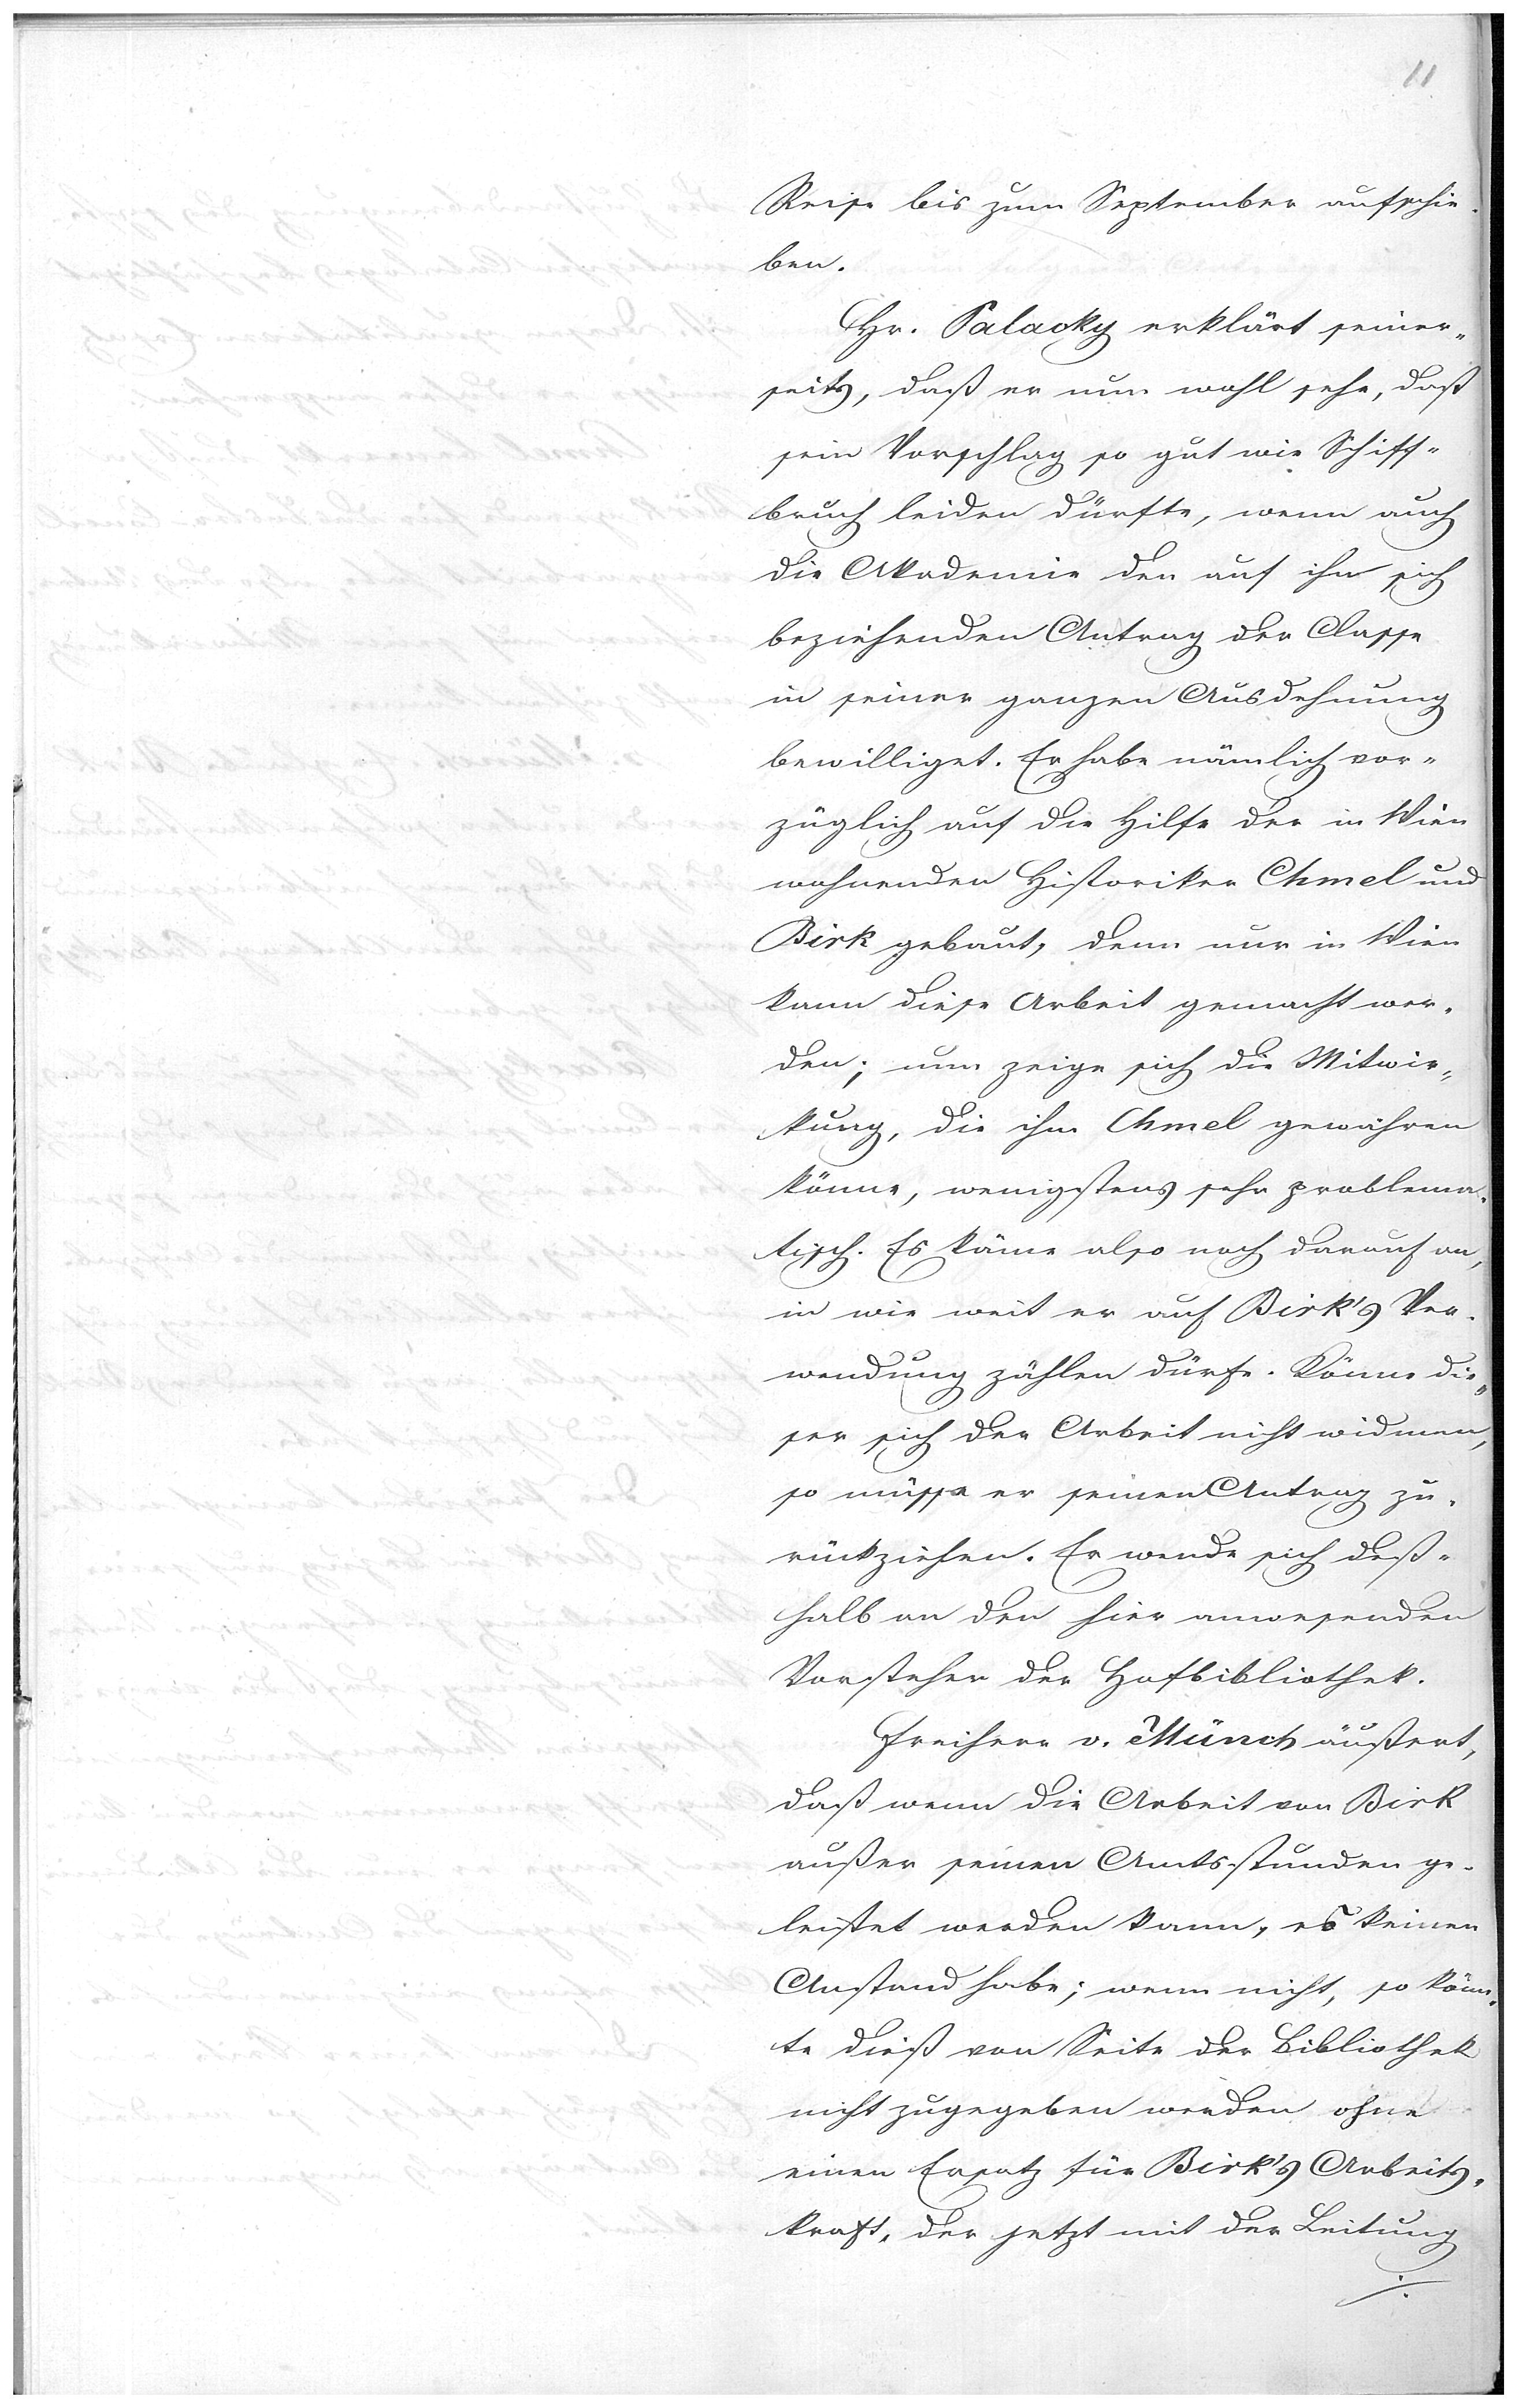Reise bis zum September aufschie-
ben.
Hr. Palacky erklärt seiner-
seits, daß er nun wohl sehe, daß
sein Vorschlag so gut wie Schiff-
bruche leiden dürfte, wenn auch
die Akademie den auf ihn sich
beziehenden Antrag der Classe
in seiner ganzen Ausdehnung
bewilliget. Er habe nämlich vor-
züglich auf die Hilfe der in Wien
wohnenden Historiker Chmel und
Birk gebaut, denn nur in Wien
kann diese Arbeit gemacht wer-
den; nun zeigen sich die Mitwir-
kung, die ihm Chmel gewähren
könne, wenigstens sehr problema-
tisch. Es käme also noch darauf an,
in wie weit er auf Birk's Ver-
wendung zählen dürfe. Könne die-
ser sich der Arbeit nicht widmen,
so müsse er seinen Antrag zu-
rückziehen. Er wende sich deß-
halbe an den hier anwesenden
Vorsteher der Hofbibliothek.
Freiherr v. Münch äußert,
daß wenn die Arbeit von Birk
außer seinen Amtsstunden ge-
leistet werden kann; es keinen
Anstand habe; wenn nicht, so könn-
te dieß von Seite der Bibliothek
nicht zugegeben werden ohne
einen Ersatz für Birk's Arbeits-
kraft, der jetzt mit der Leitung